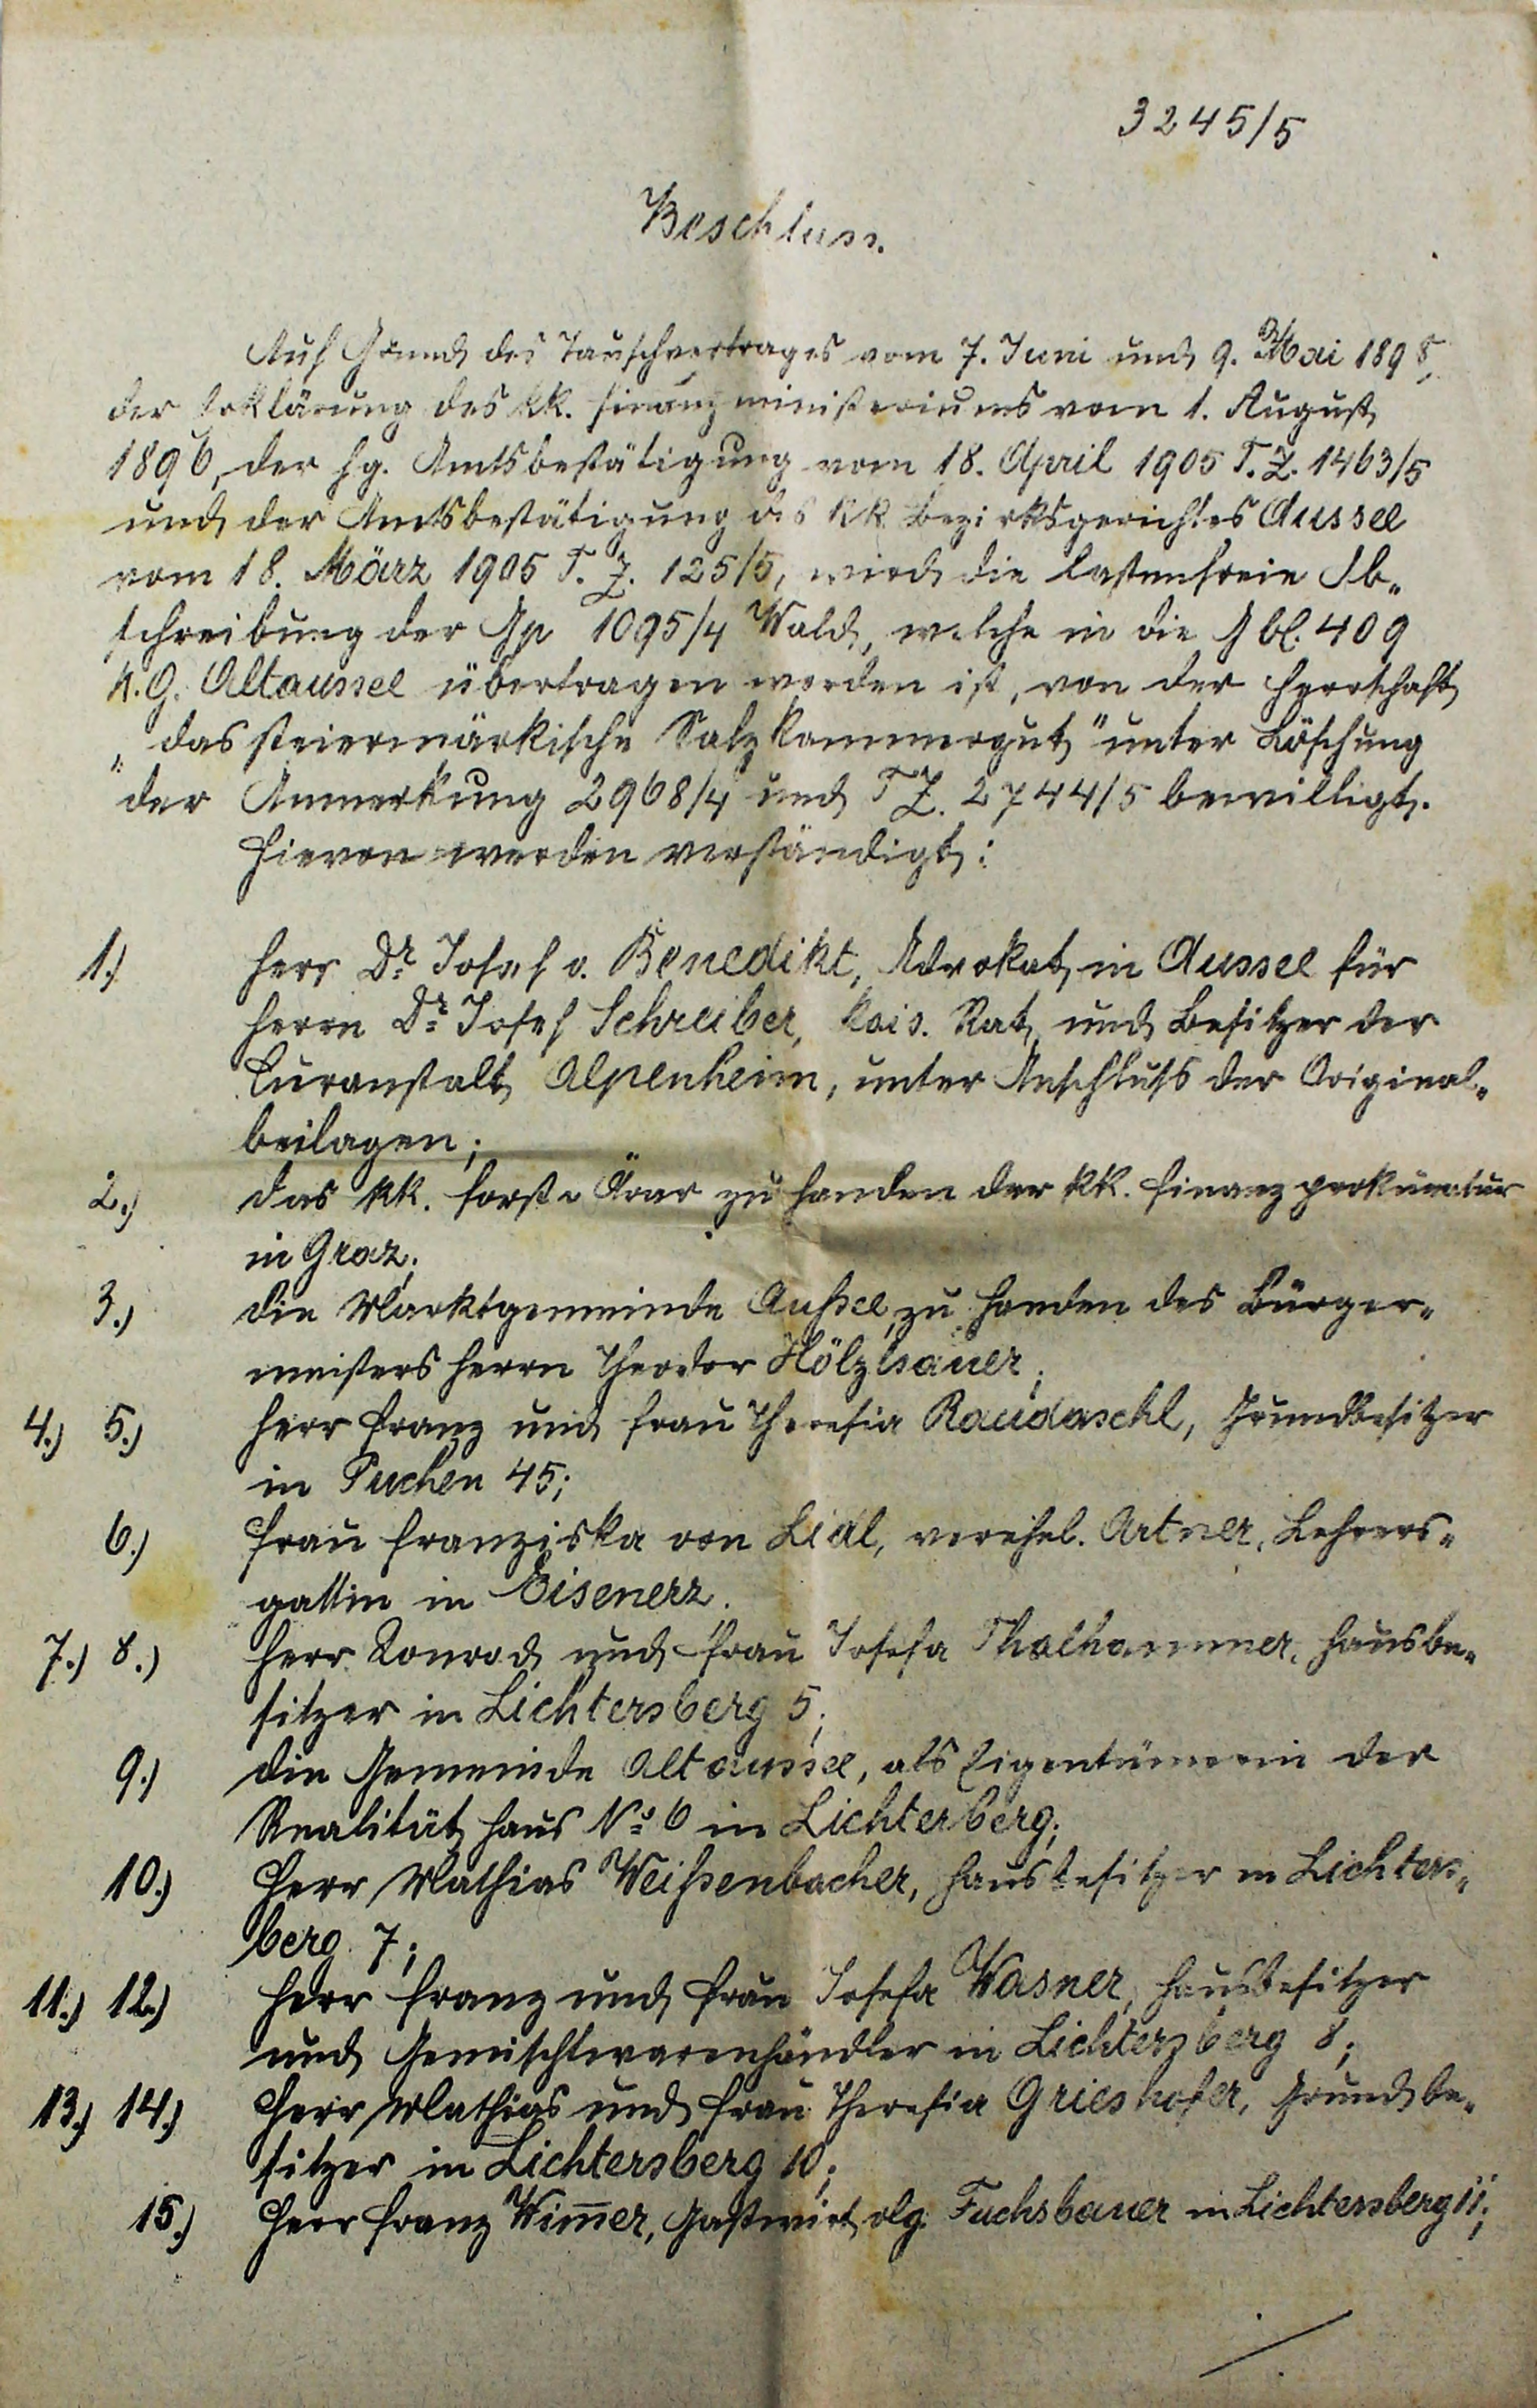3245/5
Beschluss.
Auf Grund des Tauschvertrages vom 7. Juni und 9. Mai 1898
der Erklärung des kk. Finanzministeriums vom 1. August
1896, der hg. Amtsbestätigung vom 18. April 1905. T.Z. 1463/5
und der Amtsbestätigung des kk. Bezirksgerichtes Aussee
vom 18. März 1905 T.Z. 125/5, wird die lastenfreie Ab„
schreibung der Gp 1095/4 Wald, welche in die Gbl. 409
N.G. Altaussee übertragen werden ist, von der Herrschaft
„Das steiermärkische Salz Kammergut“ unter Löschung
der Anmerkung 2968/4 und TZ. 2744/5 bewilligt.
Hiervon werden verständigt:
1.) Herr Dr Josef v. Benedikt, Advokat, in Aussee für
Herrn Dr Josef Schreiber, kais. Rat, und Besitzer der
Curanstalt, Alpenheim, unter Anschluss der Original„
beilagen;
2.) Das kk. forste Ärar zu Handen der kk. Finanz prok???tur
in Graz.
3.) Die Marktgemeinde Aussee, zu Handen des Bürger„
meisters Herrn Theodor Hölzhauer;
4.) 5.) Herr Franz und Frau Theresia Raudaschl, Grundbesitzer
in Puchen 45;
6.) Frau Franziska von Lial, verehel. Artner, Lehrers„
gattin in Eisenerz.
7.) 8.) Herr Konrad und Frau Josefa Thalhammer, Hausbe„
sitzer in Lichtersberg 5;
9.) Die Gemeinde Altaussee, als Eigentümerin der
Realität Haus No 6 in Lichterberg;
10.) Herr Mathias Weissenbacher, Hausbesitzer in Lichter„
berg 7;
11.) 12.) Herr Franz und Frau Josefa Wasner, Hausbesitzer
und Gemischtwarenhändler in Lichterzberg 8;
13.) 14.) Herr Mathias und Frau Theresia Grieshofer, Grundbe„
sitzer in Lichtersberg 10;
15.) Herr Franz Wimmer, Gastwirt vlg. Fuchsbauer in Lichtersberg 11;